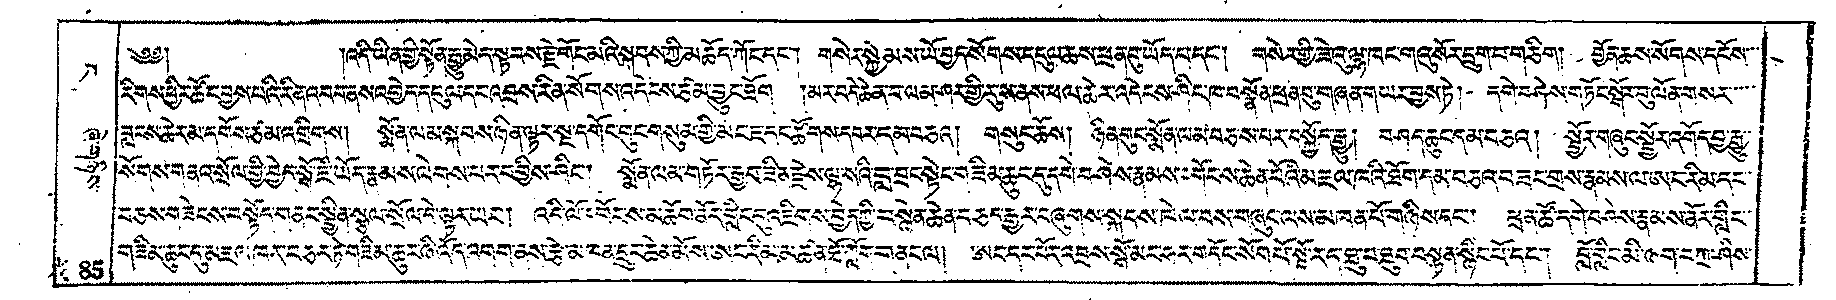༄༅། །འདི་ཡིན་གྱི་སྟོན་རྒྱུ་མེད་སྟབས་རྗེ་གོང་མའི་སྐབས་ཀྱི་མཆོད་ཀོང་དང་། གསེར་སྐྱེམས་ཡོ་བྱད་སོགས་དངུལ་ཆས་ཕྲན་བུ་ཡོད་པ་དང་། གསེར་གྱི་ཟེའུ་ལྷ་ཁང་གའུ་སོར་དྲུག་པ་གཅིག །གྱོན་ཆས་སོགས་དངོས་
རིགས་ཕྱིར་ཚོང་བྱས་པའི་རིན་འབབ་ནས་འགྱེད་དངུལ་དང་འབྲས་རིན་སོགས་འདེངས་ཙམ་བྱུང་ཐོག །མར་བདེ་ཆེན་བ་ལམ་ཤར་གྱི་རུ་ས་ནས་ཕལ་ཆེར་འདེངས་ཤིང་ཁ་བསྣོན་ཕྲན་བུ་གཞན་གཡར་བྱས་ཏེ། དགེ་བཤེས་གཏོང་སྒོར་བུ་ལོན་གསར་
བླངས་ཆེར་མ་དགོས་ཙམ་འགྲིགས། སྨོན་ལམ་སྐབས་ཉིན་ལྟར་སྔ་དགོང་གུང་གསུམ་གྱི་མང་ཇ་དང་ཚོགས་དབར་དམ་བཅའ། གསུང་ཆོས། ཉིན་གུང་སྨོན་ལམ་བཅས་པར་བསྐྱོད་རྒྱུ། བཤད་ཆུང་དམ་བཅའ། སྦྱོར་གཞུང་སྦྱོར་འགོད་བྱ་རྒྱུ་
སོགས་གནའ་སྲོལ་གྱི་བྱེད་སྒོ་ཇི་ཡོད་རྣམས་ལེགས་པར་བགྱིས་ཤིང་། སྨོན་ལམ་གཏོར་རྒྱབ་ཟིན་རྗེས་ལྷ་སའི་བླ་བྲང་སྟེང་གཟིམ་ཆུང་དུ་དགེ་བཤེས་རྣམས་༧གོང་ས་ཆེན་པོའི་མཇལ་ཁའི་ཐོག་དམ་བཅའ་བཟང་གྲས་རྣམས་ལ་ཨང་རིམ་དང་
བཅས་གཟེངས་བསྟོད་གནང་སྦྱིན་སྩལ་སྲོལ་དེ་ལྟར་ཡང་། འདི་ལོ་༧གོང་ས་མཆོག་ནོར་གླིང་དུ་འཇིགས་བྱེད་ཀྱི་བསྙེན་ཆེན་བཅད་རྒྱར་བཞུགས་སྐབས་ཁེལ་བས་གཞུང་ལས་མཁན་པོ་གཉིས་དང་། ཕྲན་ཚོ་དགེ་བཤེས་རྣམས་ནོར་གླིང་
གཟིམ་ཆུང་དུ་མཇལ་ཁར་བཅར་ཏེ་གཟིམ་ཆུང་ཉི་འོད་འགག་ནས་རྩེ་མཁན་དྲུང་ཆེན་མོས་ཨང་རིམ་མཚན་ཐོ་ཀློག་གནང་ལ། ཨང་དང་པོར་འབྲས་སྒོ་མང་ཧར་གདོང་སོག་པོ་སྦོ་རད་ཐུ་བ་ཐུབ་བསྟན་སྙིང་པོ་དང་། བློ་གླིང་མི་ཉག་བཀྲ་ཤིས་